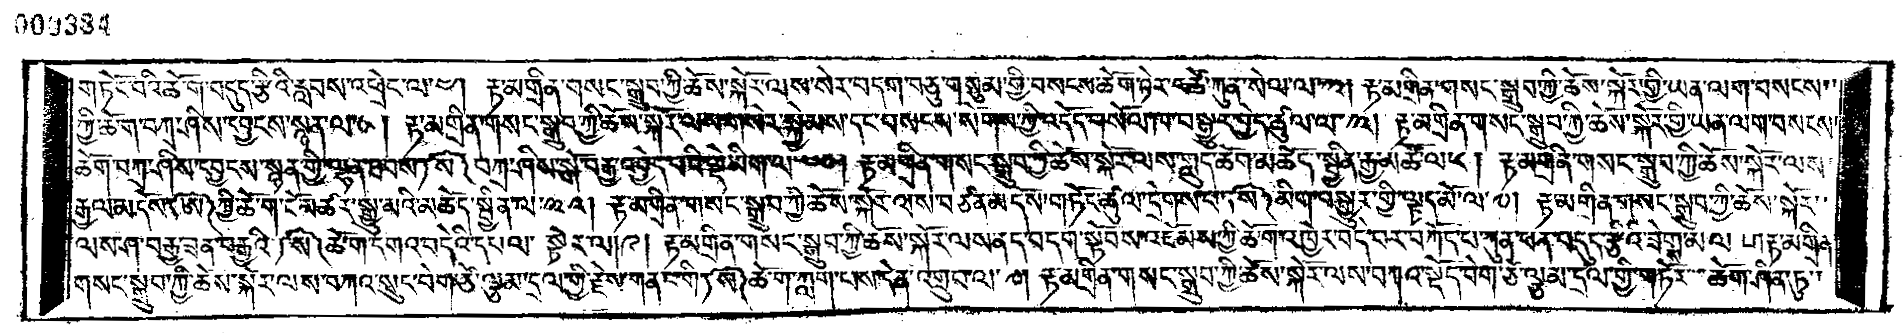གཏོང་བའི་ཆོ་ག་བདུད་རྩིའི་རླབས་འཕྲེང་ལ ༤། རྟ་མགྲིན་གསང་སྒྲུབ་ཀྱི་ཆོས་སྐོར་ལས་སེར་བདག་བཅུ་གསུམ་གྱི་བསངས་ཆོ་གཉེར་འཚེ་ཀུན་སེལ་ལ ༣། རྟ་མགྲིན་གསང་སྒྲུབ་ཀྱི་ཆོས་སྐོར་གྱི་ཡན་ལག་བསངས་
ཀྱི་ཆོ་ག་བཀྲ་ཤིས་དབྱངས་སྙན་ལ ༦། རྟ་མགྲིན་གསང་སྒྲུབ་ཀྱི་ཆོས་སྐོར་ལས་གསེར་སྐྱེམས་དང་བསངས་སོགས་ཀྱི་འདོད་གསོལ་ཁ་བསྒྱུར་བྱེད་ཚུལ་ལ ༣། རྟ་མགྲིན་གསང་སྒྲུབ་ཀྱི་ཆོས་སྐོར་གྱི་ཡན་ལག་བསངས་
ཆོག་བཀྲ་ཤིས་དབྱངས་སྙན་གྱི་ལྷན་ཐབས ༼ས༽ བཀྲ་ཤིས་སྒོ་བརྒྱ་འབྱེད་པའི་ལྡེ་མིག་ལ ༤༦། རྟ་མགྲིན་གསང་སྒྲུབ་ཀྱི་ཆོས་སྐོར་ལས་གླུད་ཆོག་མཆོད་སྦྱིན་རྒྱ་མཚོ་ལ ༨། རྟ་མགྲིན་གསང་སྒྲུབ་ཀྱི་ཆོས་སྐོར་ལས་
རྒྱལ་མདོས ༼ཨ༽ ཀྱི་ཆོ་ག་ངོ་མཚར་སྒྱུ་མའི་མཆོད་སྦྱིན་ལ ༣༢། རྟ་མགྲིན་གསང་སྒྲུབ་ཀྱི་ཆོས་སྐོར་ལས་བཙན་མདོས་གཏོང་ཚུལ་དྲེགས་པ ༼ས༽ མིག་བསྒྱུར་གྱི་ལྟད་མོ་ལ ༧། རྟ་མགྲིན་གསང་སྒྲུབ་ཀྱི་ཆོས་སྐོར་
ལས་ཤ་བརྒྱ་ཟན་བརྒྱའི ༼ས༽ ཆོ་ག་དགའ་བདེའི་དཔལ་སྟེར་ལ། ༩། རྟ་མགྲིན་གསང་སྒྲུབ་ཀྱི་ཆོས་སྐོར་ལས་ནད་བདག་སྟོབས་འཇོམས་ཀྱི་ཆོ་ག་འཁྱེར་བདེ་བར་བཀོད་པ་ཀུན་ཕན་བདུད་རྩིའི་ཟེགས་མ་ལ ༥། རྟ་མགྲིན་
གསང་སྒྲུབ་ཀྱི་ཆོས་སྐོར་ལས་བཀའ་སྲུང་བེག་ཙེ་ལྕམ་དྲལ་གྱི་རྗེས་གནང་གི ༼ས༽ ཆོ་ག་ཀླག་པས་དེན་འགྲུབ་ལ ༧། རྟ་མགྲིན་གསང་སྒྲུབ་ཀྱི་ཆོས་སྐོར་ལས་བཀའ་སྡོད་བེག་ཙོ་ལྕམ་དྲལ་གྱི་གཏོར་ཆོག་ཤིན་ཏུ་